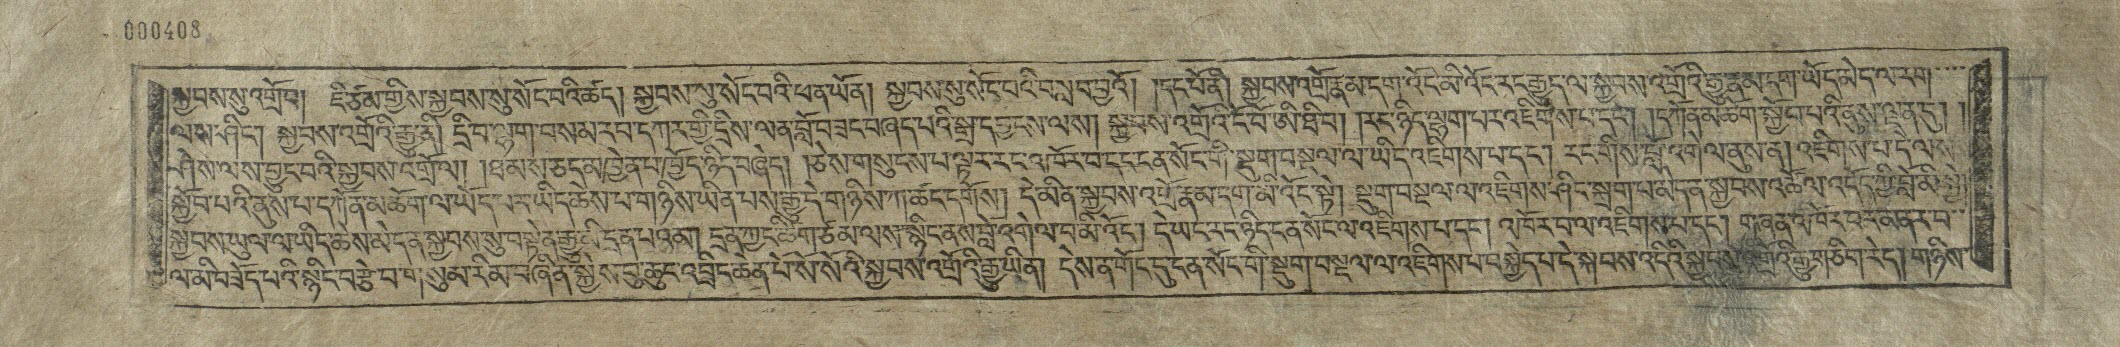སྐྱབས་སུ་འགྲོ་བ། ཇི་ཙམ་གྱིས་སྐྱབས་སུ་སོང་བའི་ཚད། སྐྱབས་སུ་སོང་བའི་ཕན་ཡོན། སྐྱབས་སུ་སོང་བའི་བསླབ་བྱའོ། །དང་པོ་ནི། སྐྱབས་འགྲོ་རྣམ་དག་འོང་མི་འོང་རང་རྒྱུད་ལ་སྐྱབས་འགྲོའི་རྒྱུ་རྣམ་དག་ཡོད་མེད་ལ་རག་
ལས་ཤིང་། སྐྱབས་འགྲོའི་རྒྱུ་ནི། དྲི་བ་ལྷག་བསམ་རབ་དཀར་གྱི་དྲིས་ལན་བློ་བཟང་བཞད་པའི་སྒྲ་དབྱངས་ལས། སྐྱབས་འགྲོའི་ངོ་བོ་ཨི་ཐི་བ། །རང་ཉིད་ལྷག་པར་འཇིགས་པ་དང་། །དཀོན་མཆོག་སྐྱོབ་པའི་ནུས་ལྡན་དུ། །
ཤེས་ལས་བྱུང་བའི་སྐྱབས་འགྲོ་ལ། །ཐམས་ཅད་མཁྱེན་པ་ཁྱོད་ཉིད་བཞེད། །ཅེས་གསུངས་པ་ལྟར་རང་འཁོར་བ་དང་ངན་སོང་གི་སྡུག་བསྔལ་ལ་ཡིད་འཇིགས་པ་དང་། རང་གིས་བློ་འགེལ་ནུས་ན། འཇིགས་པ་དེ་ལས་
སྐྱོབ་པའི་ནུས་པ་དཀོན་མཆོག་ལ་ཡོད་པར་ཡིད་ཆེས་པ་གཉིས་ཡིན་པས་རྒྱུ་དེ་གཉིས་ཀ་ཚང་དགོས། དེ་མིན་སྐྱབས་འགྲོ་རྣམ་དག་མི་འོང་སྟེ། སྡུག་བསྔལ་ལ་འཇིགས་ཤིང་སྐྲག་པ་མེད་ན་སྐྱབས་འཚོལ་འདོད་ཀྱི་བློ་མི་སྐྱེ།
སྐྱབས་ཡུལ་ལ་ཡིད་ཆེས་མེད་ན་སྐྱབས་སུ་བསྟེན་རྒྱུ་མི་དྲན་པའམ། དྲན་ཀྱང་ཚིག་ཙམ་ལས་སྙིང་ནས་བློ་འགེལ་བ་མི་འོང་། དེ་ཡང་རང་ཉིད་ངན་སོང་ལ་འཇིགས་པ་དང་། འཁོར་བ་ལ་འཇིགས་པ་དང་། གཞན་འཁོར་བར་མནར་བ་
ལ་མི་བཟོད་པའི་སྙིང་བརྩེ་བ་གསུམ་རིམ་བཞིན་སྐྱེས་བུ་ཆུང་འབྲིང་ཆེན་པོ་སོ་སོའི་སྐྱབས་འགྲོའི་རྒྱུ་ཡིན། དེས་ན་གོང་དུ་ངན་སོང་གི་སྡུག་བསྔལ་ལ་འཇིགས་པ་བསྐྱེད་པ་དེ་སྐབས་འདིའི་སྐྱབས་འགྲོའི་རྒྱུ་གཅིག་རེད། གཉིས་